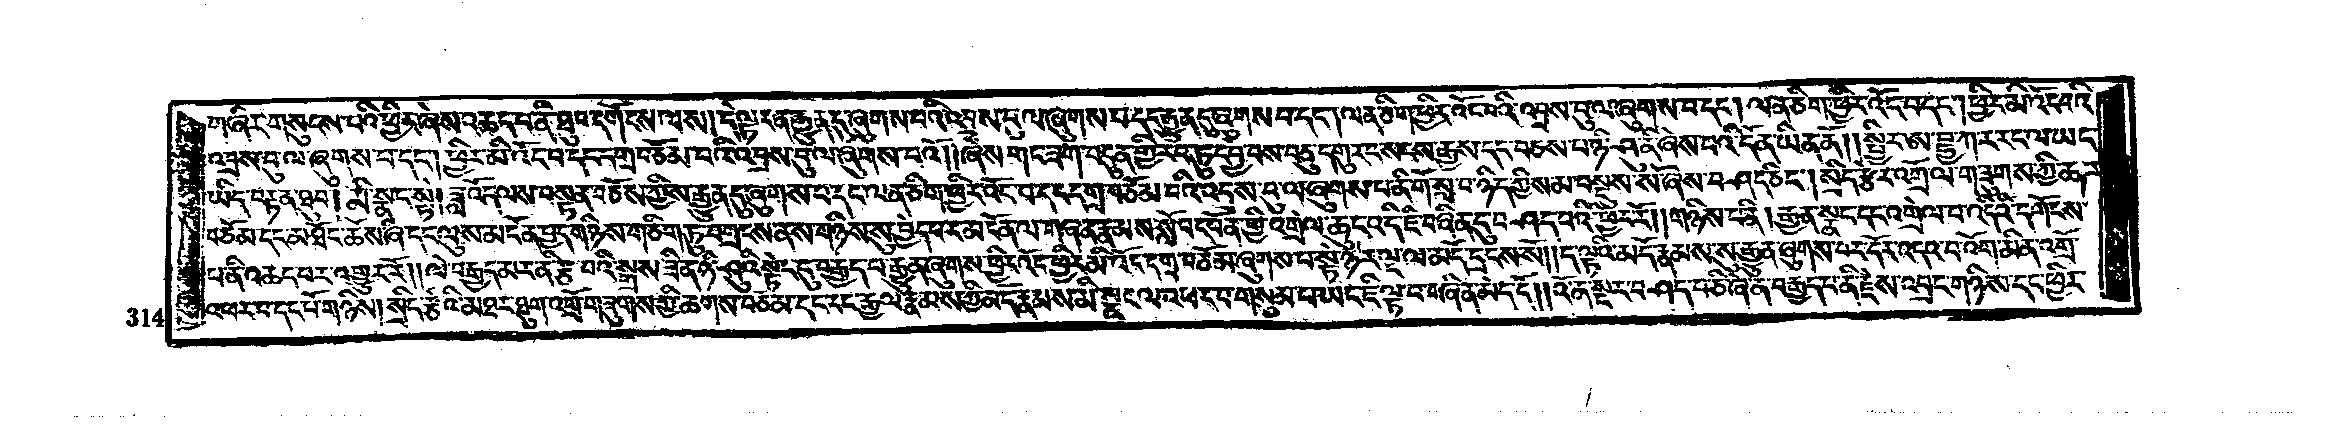གཞིར་གསུངས་པའི་ཕྱིར་ཞེས་འཆད་པ་ནི་ཐུབ་དགོངས་ལས། དེ་ལྟར་ན་རྒྱུན་དུ་ཞུགས་པའི་འབྲས་བུ་ལ་ཞུགས་པ་དང་རྒྱུན་དུ་ཞུགས་པ་དང་། ལན་ཅིག་ཕྱིར་འོང་བའི་འབྲས་བུ་ལ་ཞུགས་པ་དང་། ལན་ཅིག་ཕྱིར་འོང་བ་དང་། ཕྱིར་མི་འོང་བའི་
འབྲས་བུ་ལ་ཞུགས་པ་དང་། ཕྱིར་མི་འོང་བ་དང་དགྲ་བཅོམ་པའི་འབྲས་བུ་ལ་ཞུགས་པའོ། །ཞེས་གང་ཟག་བདུན་གྱི་རབ་ཏུ་དབྱེ་བས་བཅུ་དགུ་རང་སངས་རྒྱས་དང་བཅས་པ་ཉི་ཤུ་ནི་ཞེས་པའི་དོན་ཡིན་ནོ། །སྤྱིར་ཨ་བྷྱ་ཀ་ར་རང་ལ་ཡང་
ཡིད་བརྟན་ཐུབ། མི་སྣང་སྟེ། ཟླ་འོད་ལས་བསྟན་བཅོས་ཀྱིས་རྒྱུན་དུ་ཞུགས་པ་དང་ལན་ཅིག་ཕྱིར་འོང་བ་དང་དགྲ་བཅོམ་པའི་འབྲས་བུ་ལ་ཞུགས་པ་ནི་གོ་སླ་བ་ཉིད་ཀྱིས་མ་བསྡུས་སོ་ཞེས་བཤད་ཅིང་། སྲིད་རྩེར་འགྲོ་ལ་གཟུགས་ཀྱི་ཆགས་
བཅོམ་དང་མཐོང་ཆོས་ཞི་དང་ལུས་མངོན་བྱད་གཉིས་གཅིག་ཏུ་བགྲངས་ནས་གཉིས་སུ་བྱེད་པར་མངོན་ལ་གཞན་རྣམས་སློབ་དཔོན་གྱི་འགྲེལ་ཆུང་འདི་ཇི་བཞིན་དུ་བཤད་པའི་ཕྱིར་རོ། །གཉིས་པ་ནི། རྒྱན་སྣང་དང་འགྲེལ་པ་འདིའི་དགོངས་
པ་ནི་འཆད་པར་འགྱུར་རོ། །ལེ་བརྒྱད་མར་ནི་རྩ་བའི་སྒྲས་ཟིན་ཉི་ཤུའི་སྟེང་དུ་བརྒྱད་པ་རྒྱུན་ཞུགས་ཕྱིར་འོང་ཕྱིར་མི་འོང་དགྲ་བཅོམ་ཞུགས་པ་སྟེ་ཉེར་ལྔ་ལ་མདོ་དྲངས་སོ། །དེ་ལྟའི་མདོ་རྣམས་སུ་རྒྱུན་ཞུགས་བར་དོར་འདའ་བ་འོག་མིན་འགྲོ་
འཕར་བ་དང་པོ་གཉིས། སྲིད་རྩེའི་མཐར་ཐུག་འགྲོ་གཟུགས་ཀྱི་ཆགས་བཅོམ་དང་རང་རྒྱལ་རྣམས་ཀྱི་མདོ་རྣམས་མི་སྣང་ལ་འཕར་བ་གསུམ་པ་ཡང་ཇི་ལྟ་བ་བཞིན་མེད་དོ། །འོ་ན་སྔར་བཤད་པ་ཅི་ཞེ་ན་བརྒྱད་པ་ནི་རྗེས་འབྲང་གཉིས་དང་ཕྱིར་